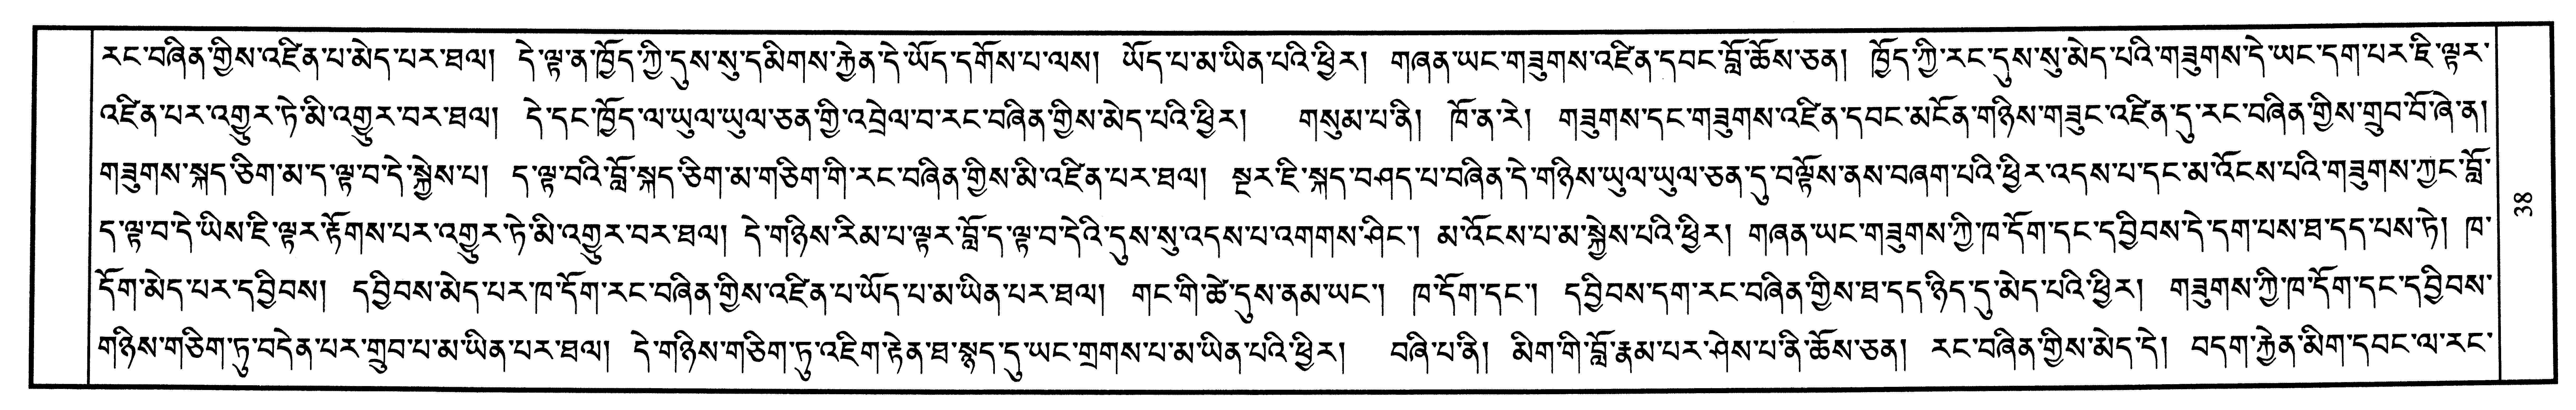རང་བཞིན་གྱིས་འཛིན་པ་མེད་པར་ཐལ། དེ་ལྟ་ན་ཁྱོད་ཀྱི་དུས་སུ་དམིགས་རྐྱེན་དེ་ཡོད་དགོས་པ་ལས། ཡོད་པ་མ་ཡིན་པའི་ཕྱིར། གཞན་ཡང་གཟུགས་འཛིན་དབང་བློ་ཆོས་ཅན། ཁྱོད་ཀྱི་རང་དུས་སུ་མེད་པའི་གཟུགས་དེ་ཡང་དག་པར་ཇི་ལྟར་
འཛིན་པར་འགྱུར་ཏེ་མི་འགྱུར་བར་ཐལ། དེ་དང་ཁྱོད་ལ་ཡུལ་ཡུལ་ཅན་གྱི་འབྲེལ་བ་རང་བཞིན་གྱིས་མེད་པའི་ཕྱིར། གསུམ་པ་ནི། ཁོ་ན་རེ། གཟུགས་དང་གཟུགས་འཛིན་དབང་མངོན་གཉིས་གཟུང་འཛིན་དུ་རང་བཞིན་གྱིས་གྲུབ་བོ་ཞེ་ན།
གཟུགས་སྐད་ཅིག་མ་ད་ལྟ་བ་དེ་སྐྱེས་པ། ད་ལྟ་བའི་བློ་སྐད་ཅིག་མ་གཅིག་གི་རང་བཞིན་གྱིས་མི་འཛིན་པར་ཐལ། སྔར་ཇི་སྐད་བཤད་པ་བཞིན་དེ་གཉིས་ཡུལ་ཡུལ་ཅན་དུ་བལྟོས་ནས་བཞག་པའི་ཕྱིར་འདས་པ་དང་མ་འོངས་པའི་གཟུགས་ཀྱང་བློ་
ད་ལྟ་བ་དེ་ཡིས་ཇི་ལྟར་རྟོགས་པར་འགྱུར་ཏེ་མི་འགྱུར་བར་ཐལ། དེ་གཉིས་རིམ་པ་ལྟར་བློ་ད་ལྟ་བ་དེའི་དུས་སུ་འདས་པ་འགགས་ཤིང་། མ་འོངས་པ་མ་སྐྱེས་པའི་ཕྱིར། གཞན་ཡང་གཟུགས་ཀྱི་ཁ་དོག་དང་དབྱིབས་དེ་དག་པས་ཐ་དད་པས་ཏེ། ཁ་
དོག་མེད་པར་དབྱིབས། དབྱིབས་མེད་པར་ཁ་དོག་རང་བཞིན་གྱིས་འཛིན་པ་ཡོད་པ་མ་ཡིན་པར་ཐལ། གང་གི་ཚེ་དུས་ནམ་ཡང་། ཁ་དོག་དང་། དབྱིབས་དག་རང་བཞིན་གྱིས་ཐ་དད་ཉིད་དུ་མེད་པའི་ཕྱིར། གཟུགས་ཀྱི་ཁ་དོག་དང་དབྱིབས་
གཉིས་གཅིག་ཏུ་བདེན་པར་གྲུབ་པ་མ་ཡིན་པར་ཐལ། དེ་གཉིས་གཅིག་ཏུ་འཇིག་རྟེན་ཐ་སྙད་དུ་ཡང་གྲགས་པ་མ་ཡིན་པའི་ཕྱིར། བཞི་པ་ནི། མིག་གི་བློ་རྣམ་པར་ཤེས་པ་ནི་ཆོས་ཅན། རང་བཞིན་གྱིས་མེད་དེ། བདག་རྐྱེན་མིག་དབང་ལ་རང་